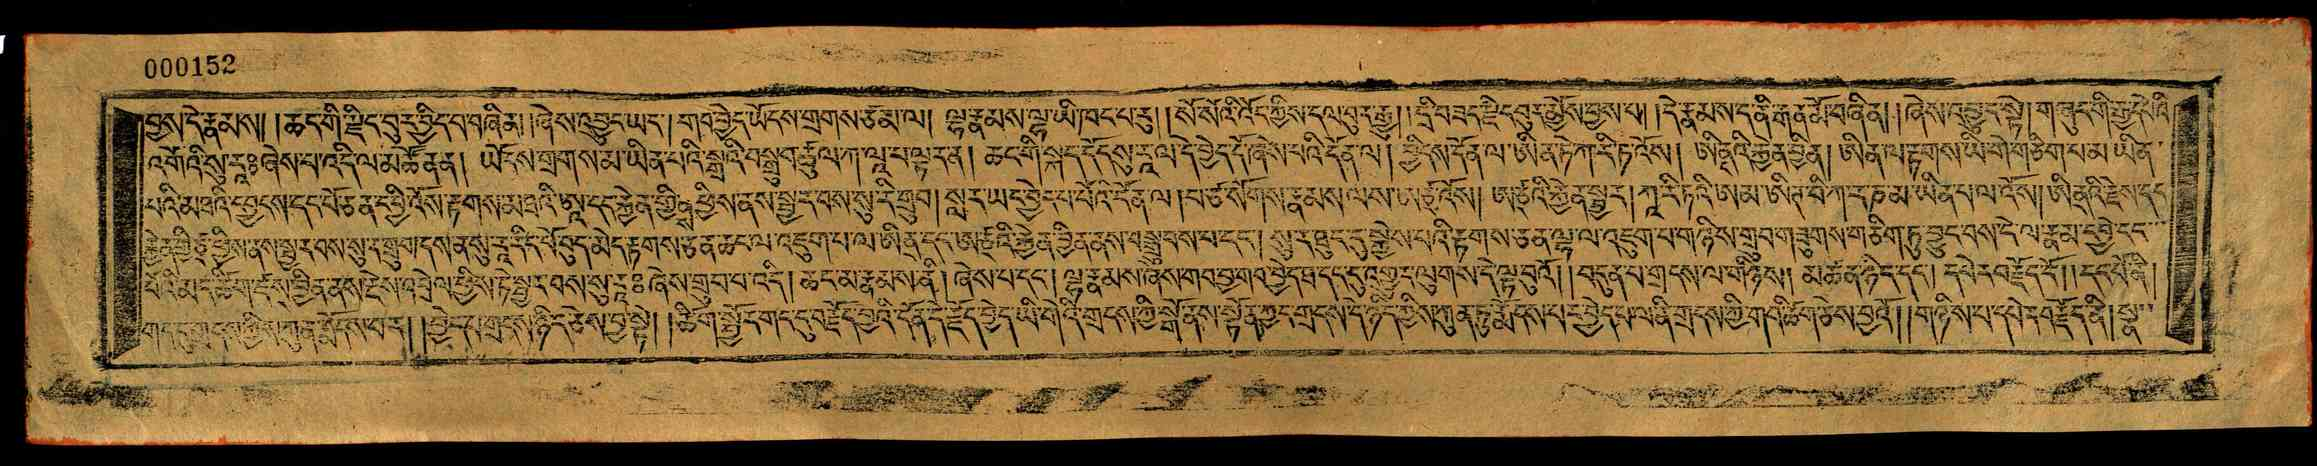བྱས་དེ་རྣམས། །ཆང་གི་རྫིང་བུར་བྱིང་བ་བཞིན། །ཞེས་འབྱུང་ཡང་། གབ་བྱེད་ཡོངས་གྲགས་ཙམ་ལ། ལྷ་རྣམས་ལྷ་ཡི་ཁང་པ་རུ། །སོ་སོའི་འོད་ཀྱིས་དལ་བུར་རྒྱུ། །དྲི་བཟང་རྫིང་བུར་མྱོས་བྱས་པ། །དེ་རྣམས་ང་ནི་རྒན་མོ་བཞིན། །ཞེས་འབྱུང་སྟེ། གཞུང་གི་རྒྱ་དཔེའི་
འགོའི་སུ་རཱཿཞེས་པ་འདི་ལ་མཚོན་ན། ཡོངས་གྲགས་མ་ཡིན་པའི་སྒྲའི་བསྒྲུབ་ཚུལ་ཀ་ལཱ་བལྟར་ན། ཆང་གི་སྐད་དོད་སུ་རཱ་ལ་དེ་བྱེད་དོ་ཞེས་པའི་དོན་ལ། བྱིངས་དོན་ལ་ཨིན་ཏེ་ཀ་རི་ཏའོས། ཨིནའི་རྐྱེན་བྱིན། ཨིན་ལ་རྟགས་ཡི་གེ་གཅིག་པ་མ་ཡིན་
པའི་མཐའི་དབྱངས་དང་པོ་ཅན་དབྱི་འོས་རྟགས་མཐའི་ཨཱ་དང་རྐྱེན་གྱི་ནྲ་ཕྱིས་ནས་སྦྱར་བས་སུ་རི་གྲུབ། སླར་ཡང་བྱེད་པ་པོའི་དོན་ལ། བ་ཙ་སོགས་རྣམས་ལས་ཨ་ཙའོས། ཨཙའི་རྐྱན་སྦྱར། ཀཱ་རི་ཏའི་ཨམ་ཨིཌ་བི་ཀ་ར་ཎ་མ་ཡིན་པ་ལའོས། ཨིནའི་རྗེས་དང་
རྐྱེན་གྱི་ཙ་ཕྱིས་ནས་སྦྱར་བས་སུ་ར་གྲུབ། དས་ན་སུ་རཱ་རིང་པོ་བུད་མེད་རྟགས་ཅན་ཆང་ལ་འཇུག་པ་ལ་ཨིན་དང་ཨཙའི་རྐྱེན་བྱིན་ནས་བསྒྲུབས་པ་དང་། སུ་ར་ཐུང་དུ་སྐྱེས་པའི་རྟགས་ཅན་ལྷ་ལ་འཇུག་པ་གཉིས་གྲུབ་གཟུགས་གཅིག་ཏུ་བྱུང་བས་དེ་ལ་རྣམ་དབྱེ་དང་
པོའི་མང་ཚིག་ཛས་བྱིན་ནས་རྗེས་འབྲེལ་ཕྱིས་ཏེ་སྦྱར་བས་སུ་རཱཿཞེས་གྲུབ་པ་འདི། ཆང་མ་རྣམས་ནི། ཞེས་པ་དང་། ལྷ་རྣམས་ཞེས་གབ་བྱ་གབ་བྱེད་ཐ་དད་དུ་འགྱུར་ལུགས་དེ་ལྟ་བུའོ། །བདུན་པ་གྲངས་ལ་གཉིས། མཚན་ཉིད་དང་། དཔེར་བརྗོད་དོ། །དང་པོ་ནི།
གང་དུ་གྲངས་ཀྱིས་ཀུན་རྨོངས་པར། །བྱེད་པ་གྲངས་ཉིད་ཅེས་བྱ་སྟེ། །ཚིག་སྦྱོར་གང་དུ་བརྗོད་བྱའི་དོན་དེ་བརྗོད་བྱེད་ཡི་གེའི་གྲངས་ཀྱི་སྒོ་ནས་སྟོན་ཀྱང་གྲངས་དེ་ཉིད་ཀྱིས་ཀུན་ཏུ་རྨོངས་པར་བྱེད་པ་ལ་ནི་གྲངས་ཀྱི་གབ་ཚིག་ཅེས་བྱའོ། །གཉིས་པ་དཔེར་བརྗོད་ནི། སྣ་